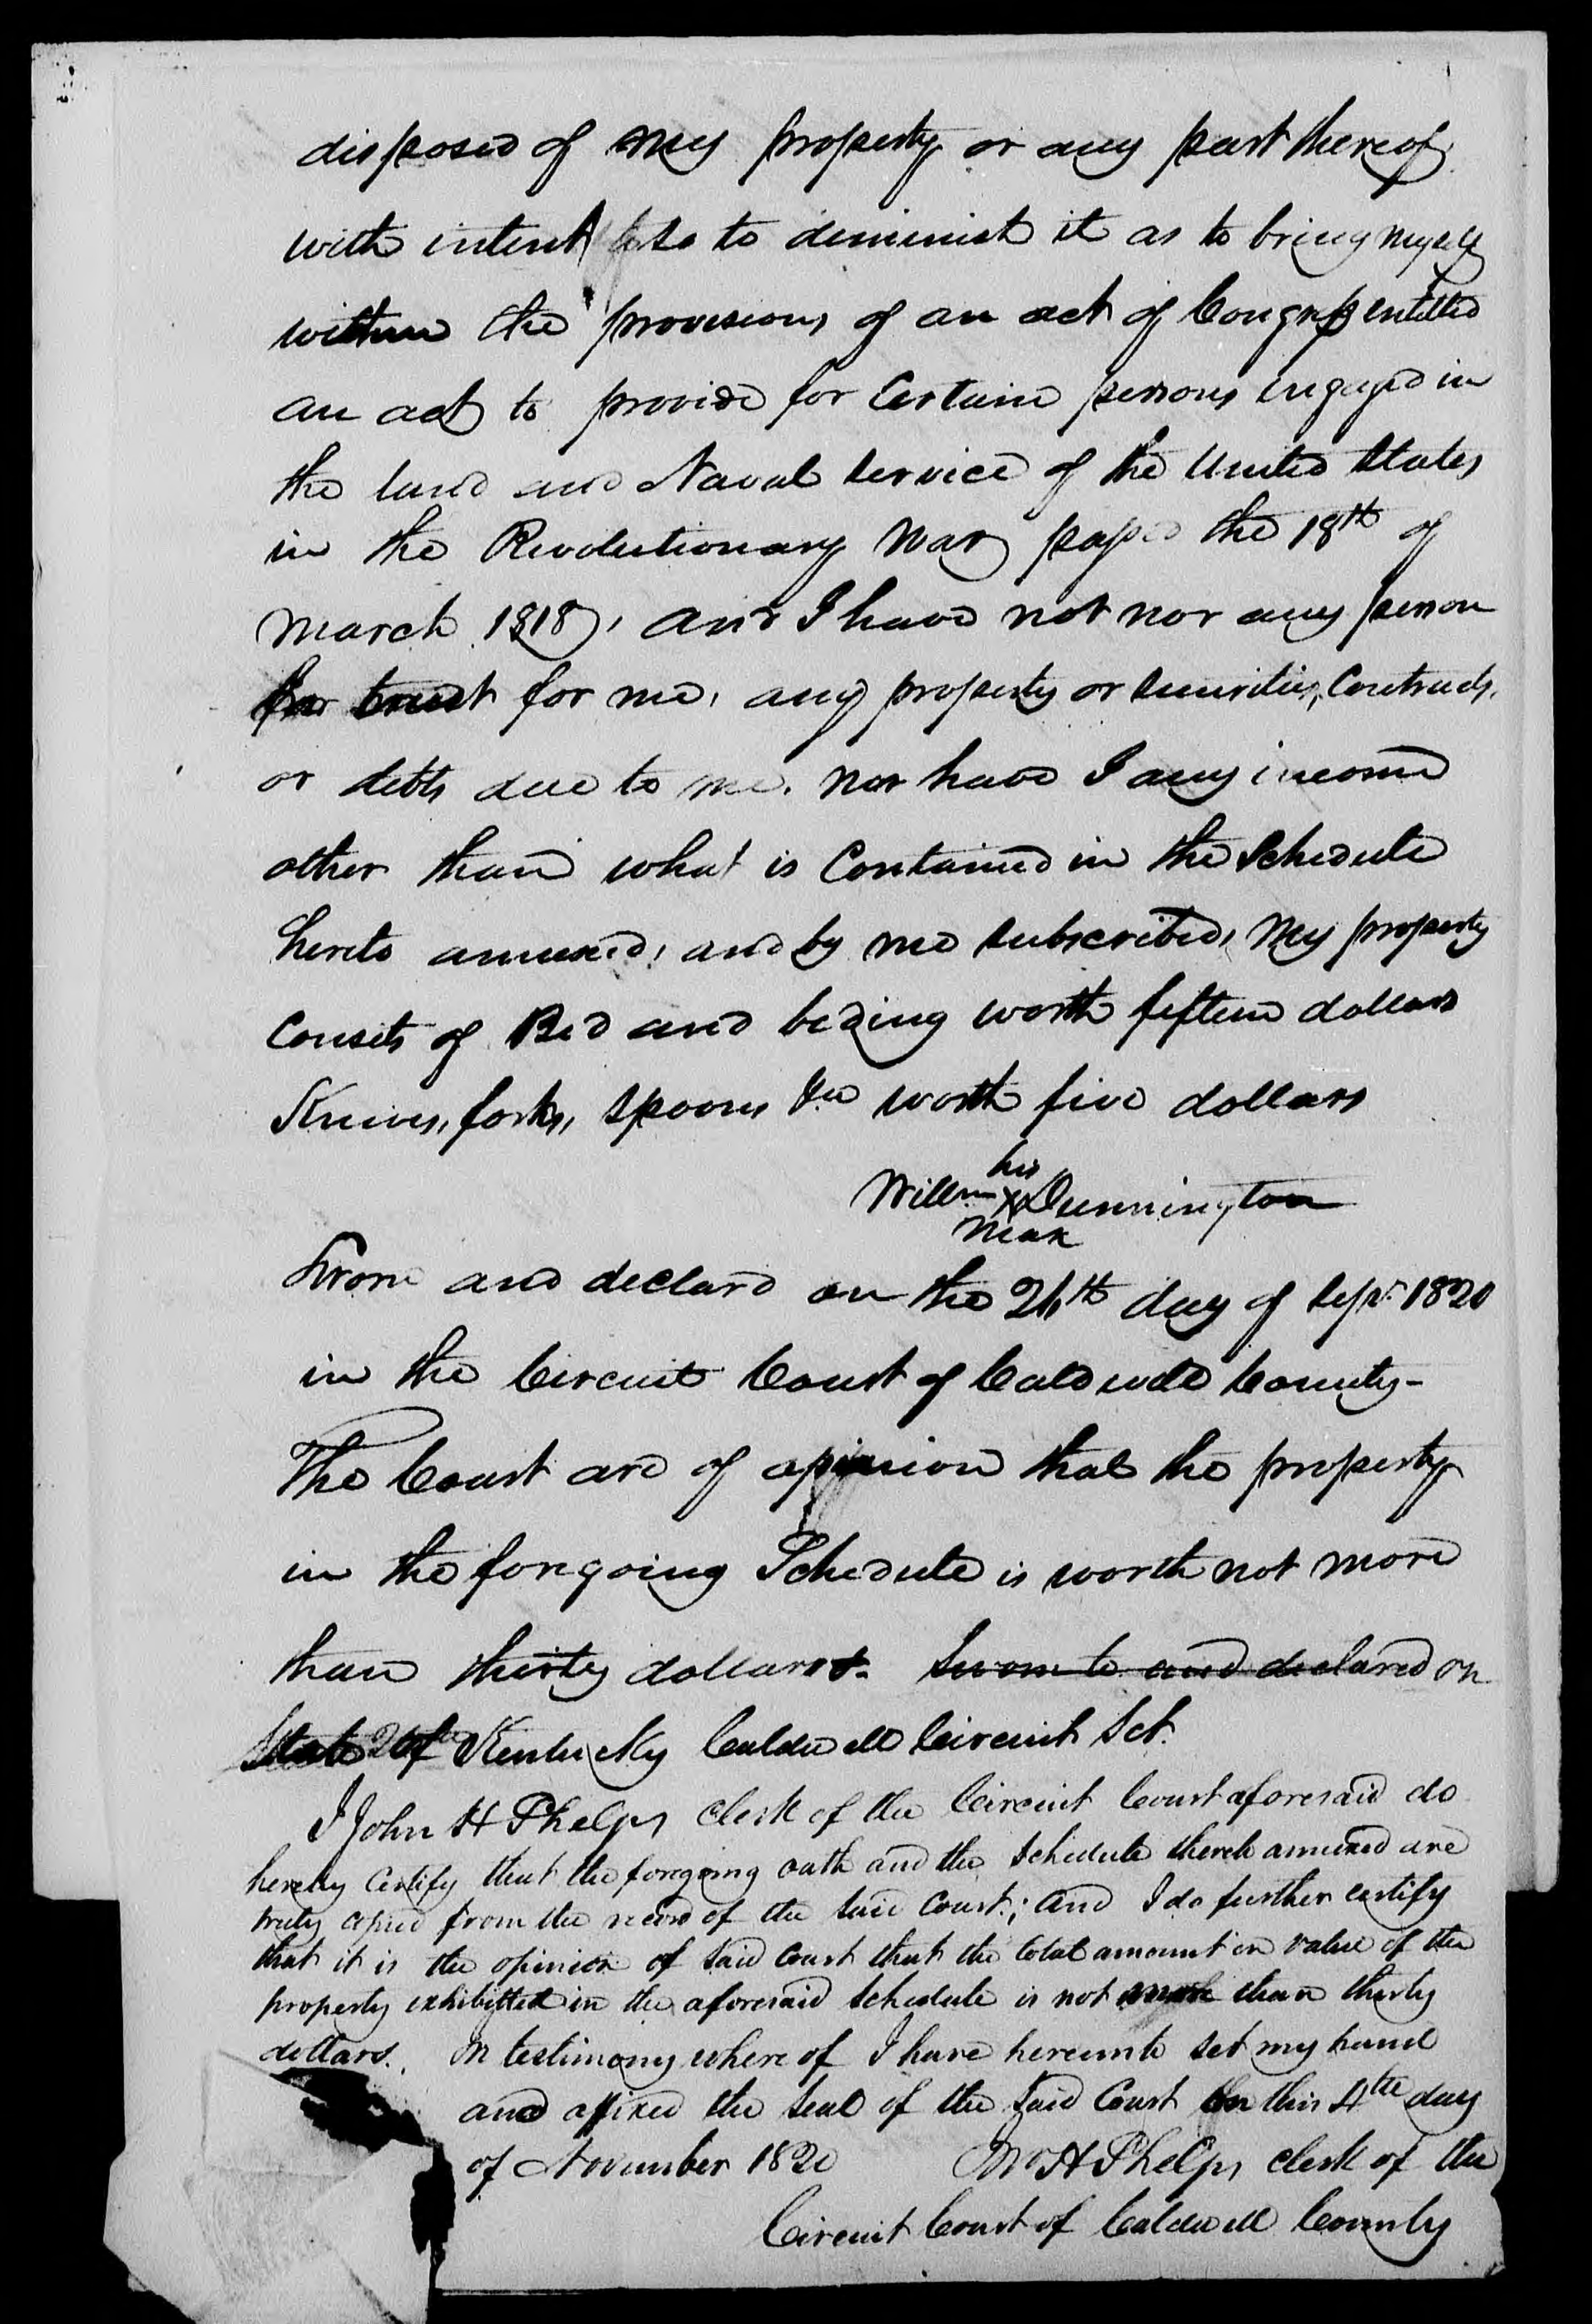disposed of my property or any part thereof with intent so to diminish it as to bring myself within the provisions of an act of Congress entitled 
an act to provide for Certain persons engaged in the land and Naval Service of the United States in the Revolutionary War passed the 18th of March 1818,
 and I have not nor any person in trust for me, any property or securities, contracts, or debts due to me, nor have I any income other than what is contained in the Schedule hereto annexed, and by me subscribed. My property consits of Bed and beding worth fifteen dollars Knives, forks, spoons &c worth five dollars 
         William Dunnington  his mark X

Sworn and declared on the 26th day of Sept 1820 in the Circuit Court of Caldwell County. The Court are of opinion that the property in the foregoing Schedule is worth not more than thirty dollars. [struck out: Sworn to and declared on]
I John H Phelps Clerk of the Circuit Court aforesaid do hereby certify that the foregoing oath and the Schedule thereto annexed are truly copied from the record of the said Court; and  I do further certify that it is the opinion of said court that the total amount in value of the property exhibitted in the aforesaid schedule is not more than thirty dollars. In testimony where of I have hereunto set my hand and affixed the Seal of the said Court on this 4th day of November 1820

Jno H Phelps Clerk of the Circuit Court of Caldwell County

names: Willm Dunnington, John H Phelps, Jno H Phelps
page: 19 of 51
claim: widow's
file: W. 27,409, William Dunnington, Md.